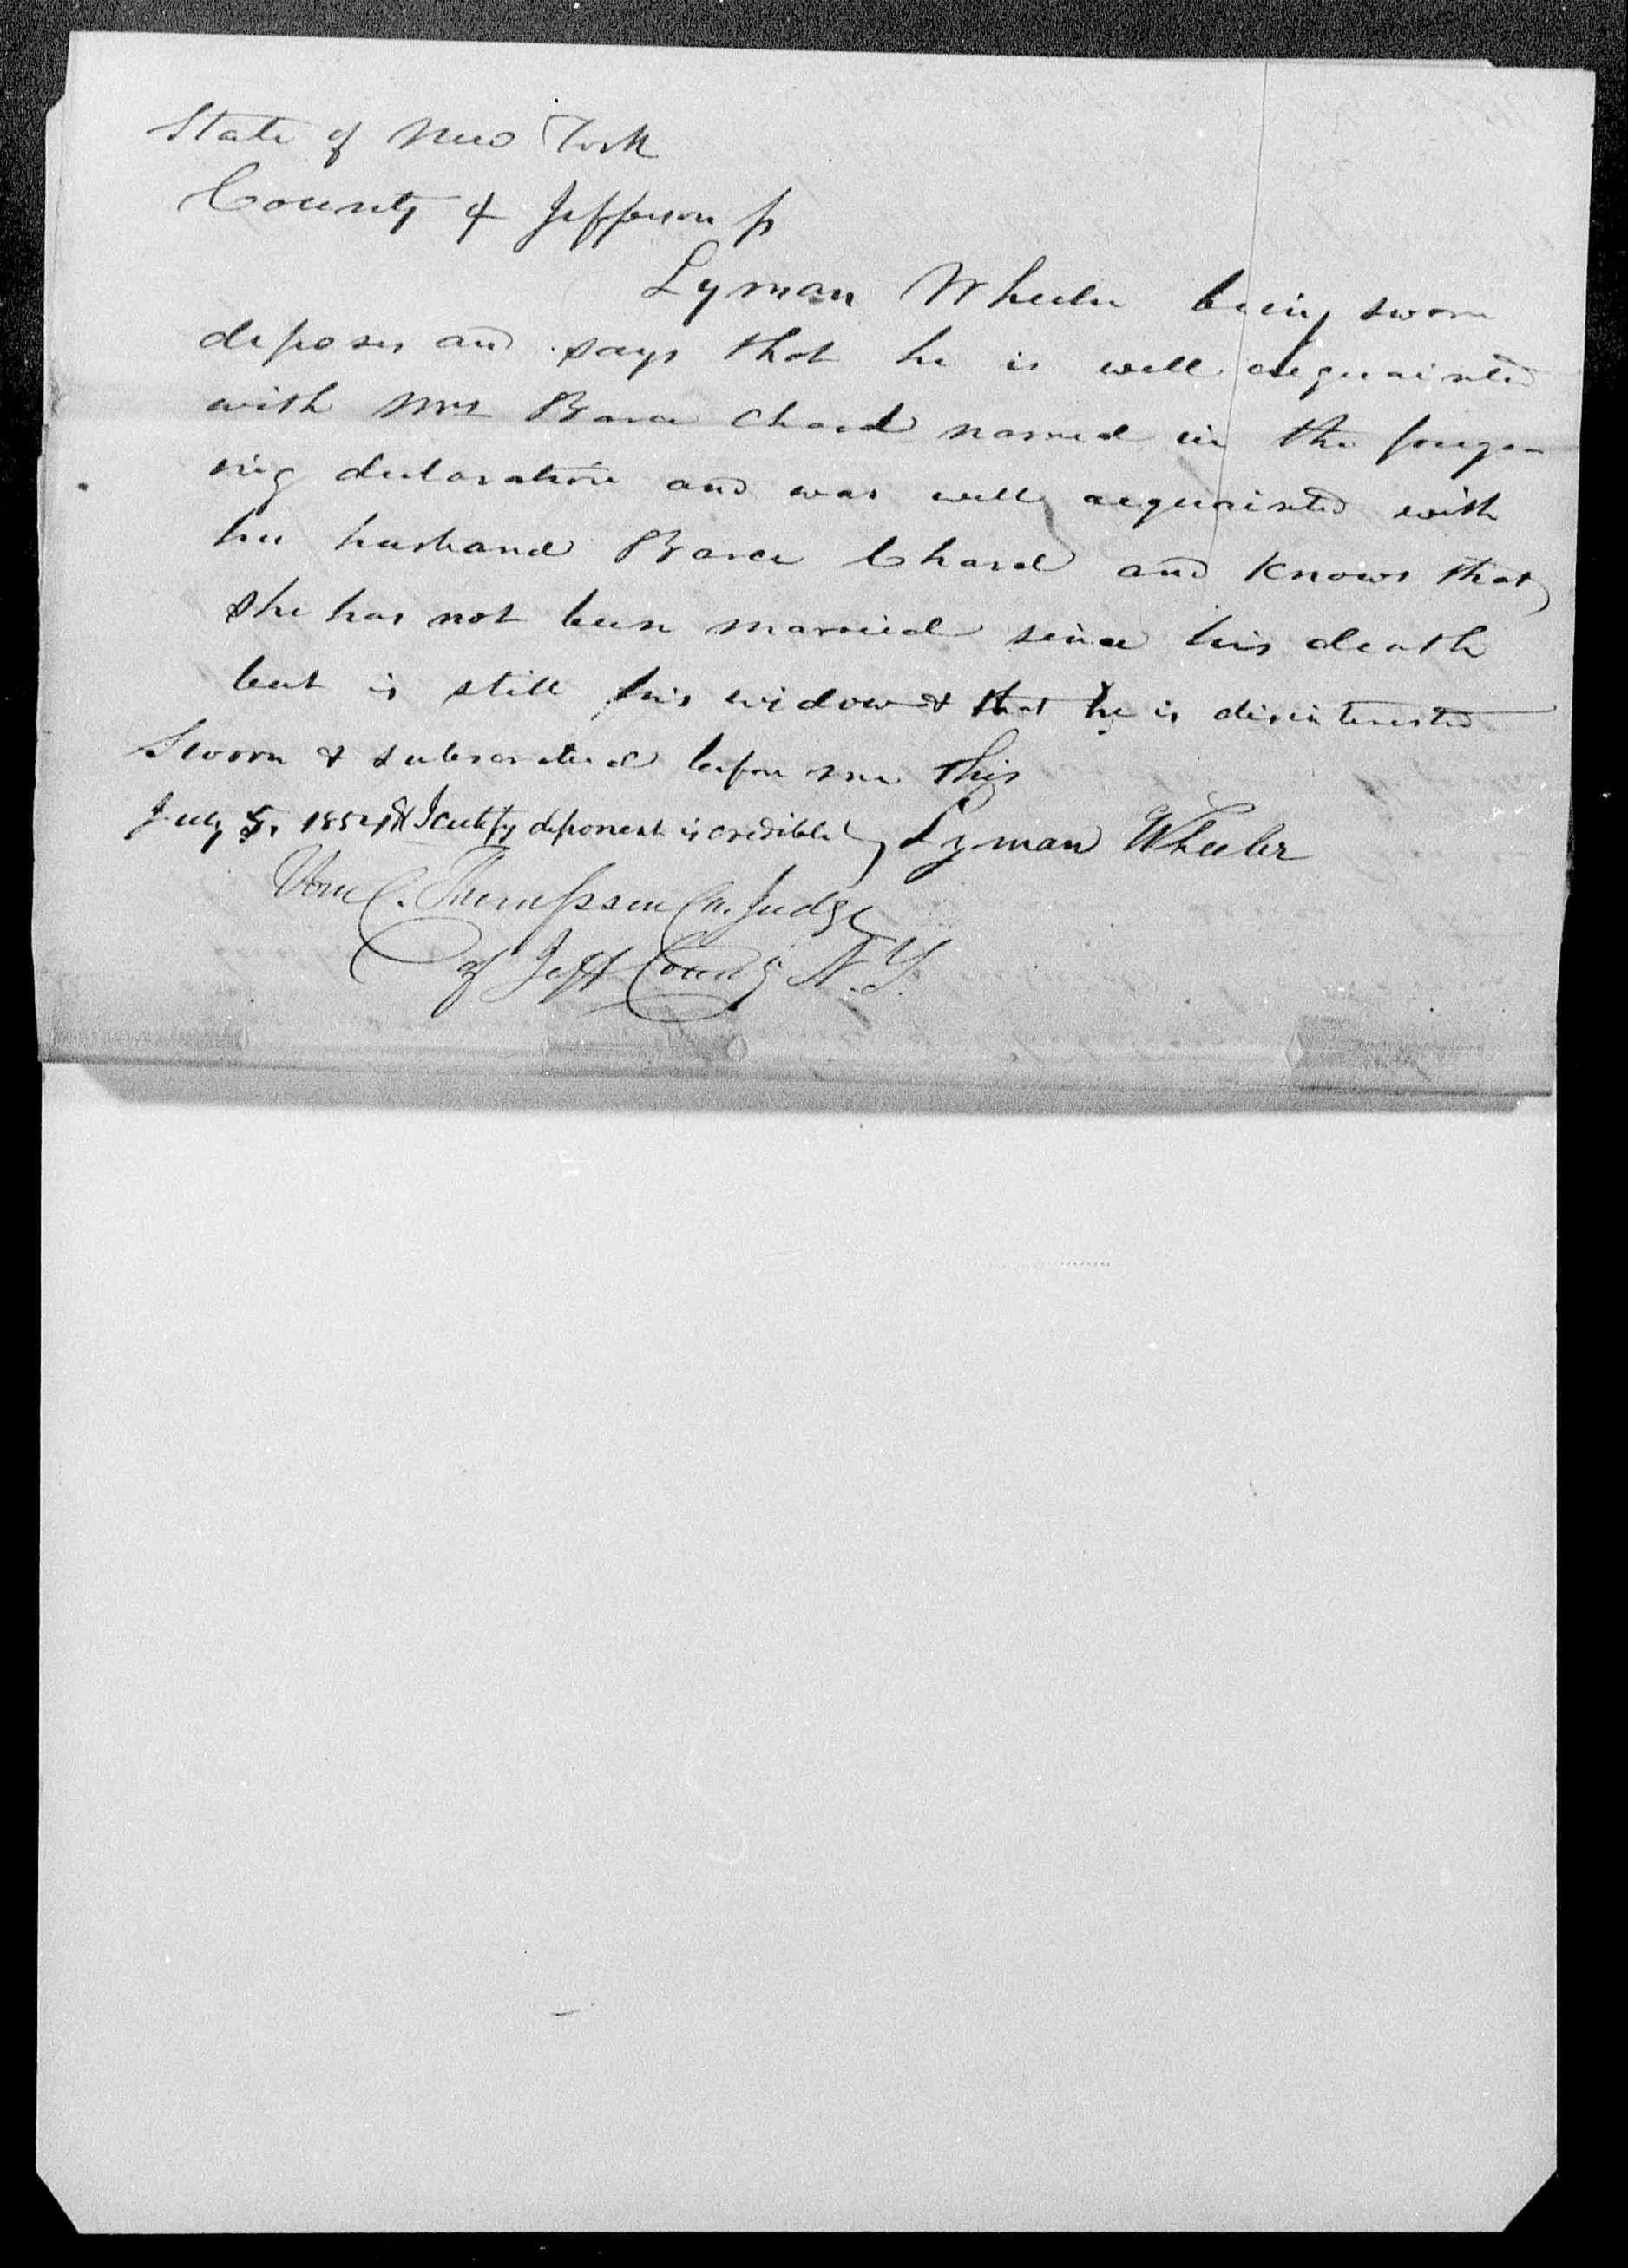State of New York 
County of Jefferson ss. 
Lyman Wheeler being sworn deposes and says that he is well acquainted with Mrs Barce Chard named in the foregoing declaration and was well acquainted with her husband Barce Chard and knows that she has not been married since his death but is still his widow & that he is disinterested 
[Signed] Lyman Wheeler

Sworn & subscribed before me this July 5, 1858 & I certify deponent is credible 
[Signed] Wm C Thompson Co. Judge of Jeff Co N.Y.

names: Lyman Wheeler, Lyman Wheeler, Thompson, Barce Chard, Barce Chard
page: 14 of 47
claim: widow's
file: W. 10,602, Barce Chard, New York.